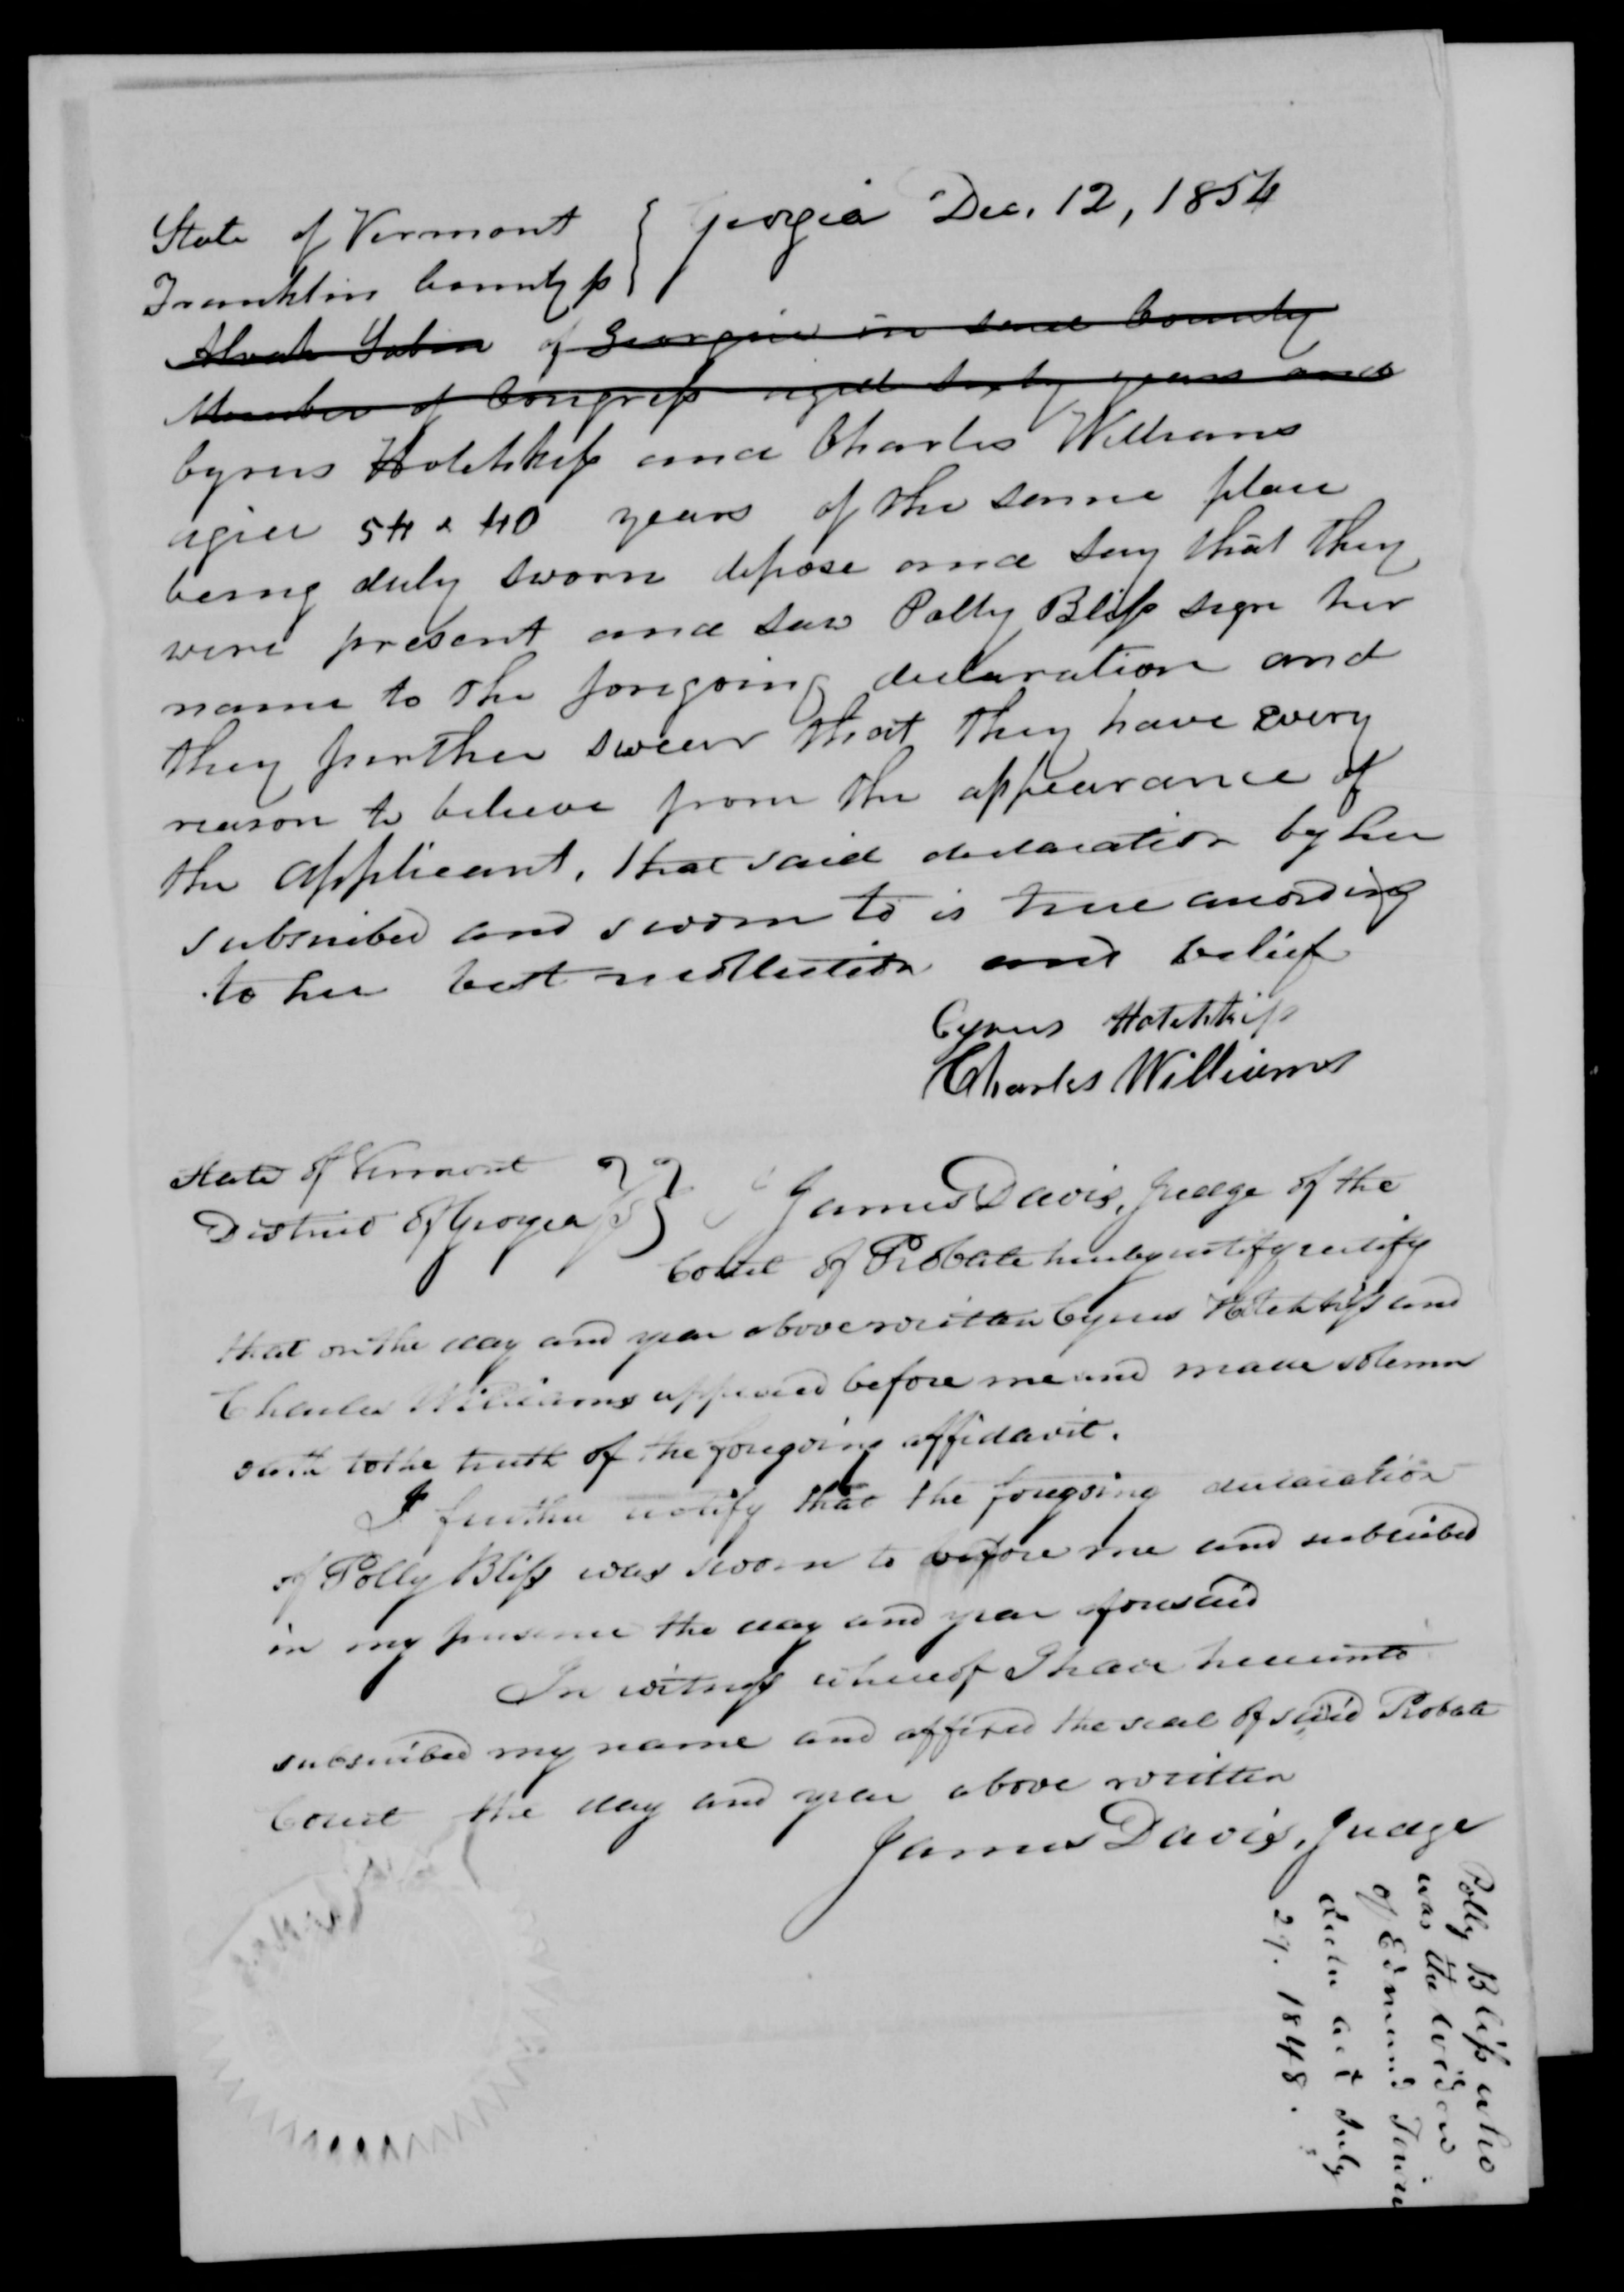State of Vermont
Franklin County SS
(sentence crossed out)
Cyrus Hotchkiss and Charles Williams aged 54 and 40 years of the same place being duly sworn depose and say that they were present and saw Polly Bliss sign her name to the foregoing declaration and they further swear that they have every reason to believe from the appearance of the applicant that said declaration by her subscribed and sworn to is true according to her best recollection and belief.
Cyrus Hotchkiss
Charles Williams

State of Vermont
District of Georgia SS I James Davis Judge of the court of Probate hereby certify certify that on the day and year above written Cyrus Hotchkiss and Charles Williams appeared before me and made solemn oath to the truth of the foregoing affidavit.
I further certify that the foregoing declaration of Polly Bliss was sworn to before me and subscribed in my presence the day and year aforesaid.
In witness whereof I have hereunto subscribed my name and affixed the seal of said Probate Court the day and year above written.
(seal) 
James Davis Judge

Polly Bliss who was the widow of Edmond Town under act July 29, 1848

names: Polly Bliss, Edmund Town, Charles Williams, Polly Bliss, Cyrus Hotchkiss, James Davis, Cyrus Hotchkiss, Polly Bliss, James Davis, Charles Williams, Alvah Sabin, Charles Williams, Cyrus Hotchkiss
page: 16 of 64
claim: widow's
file: W. 5831, Edmund Town, Mass.